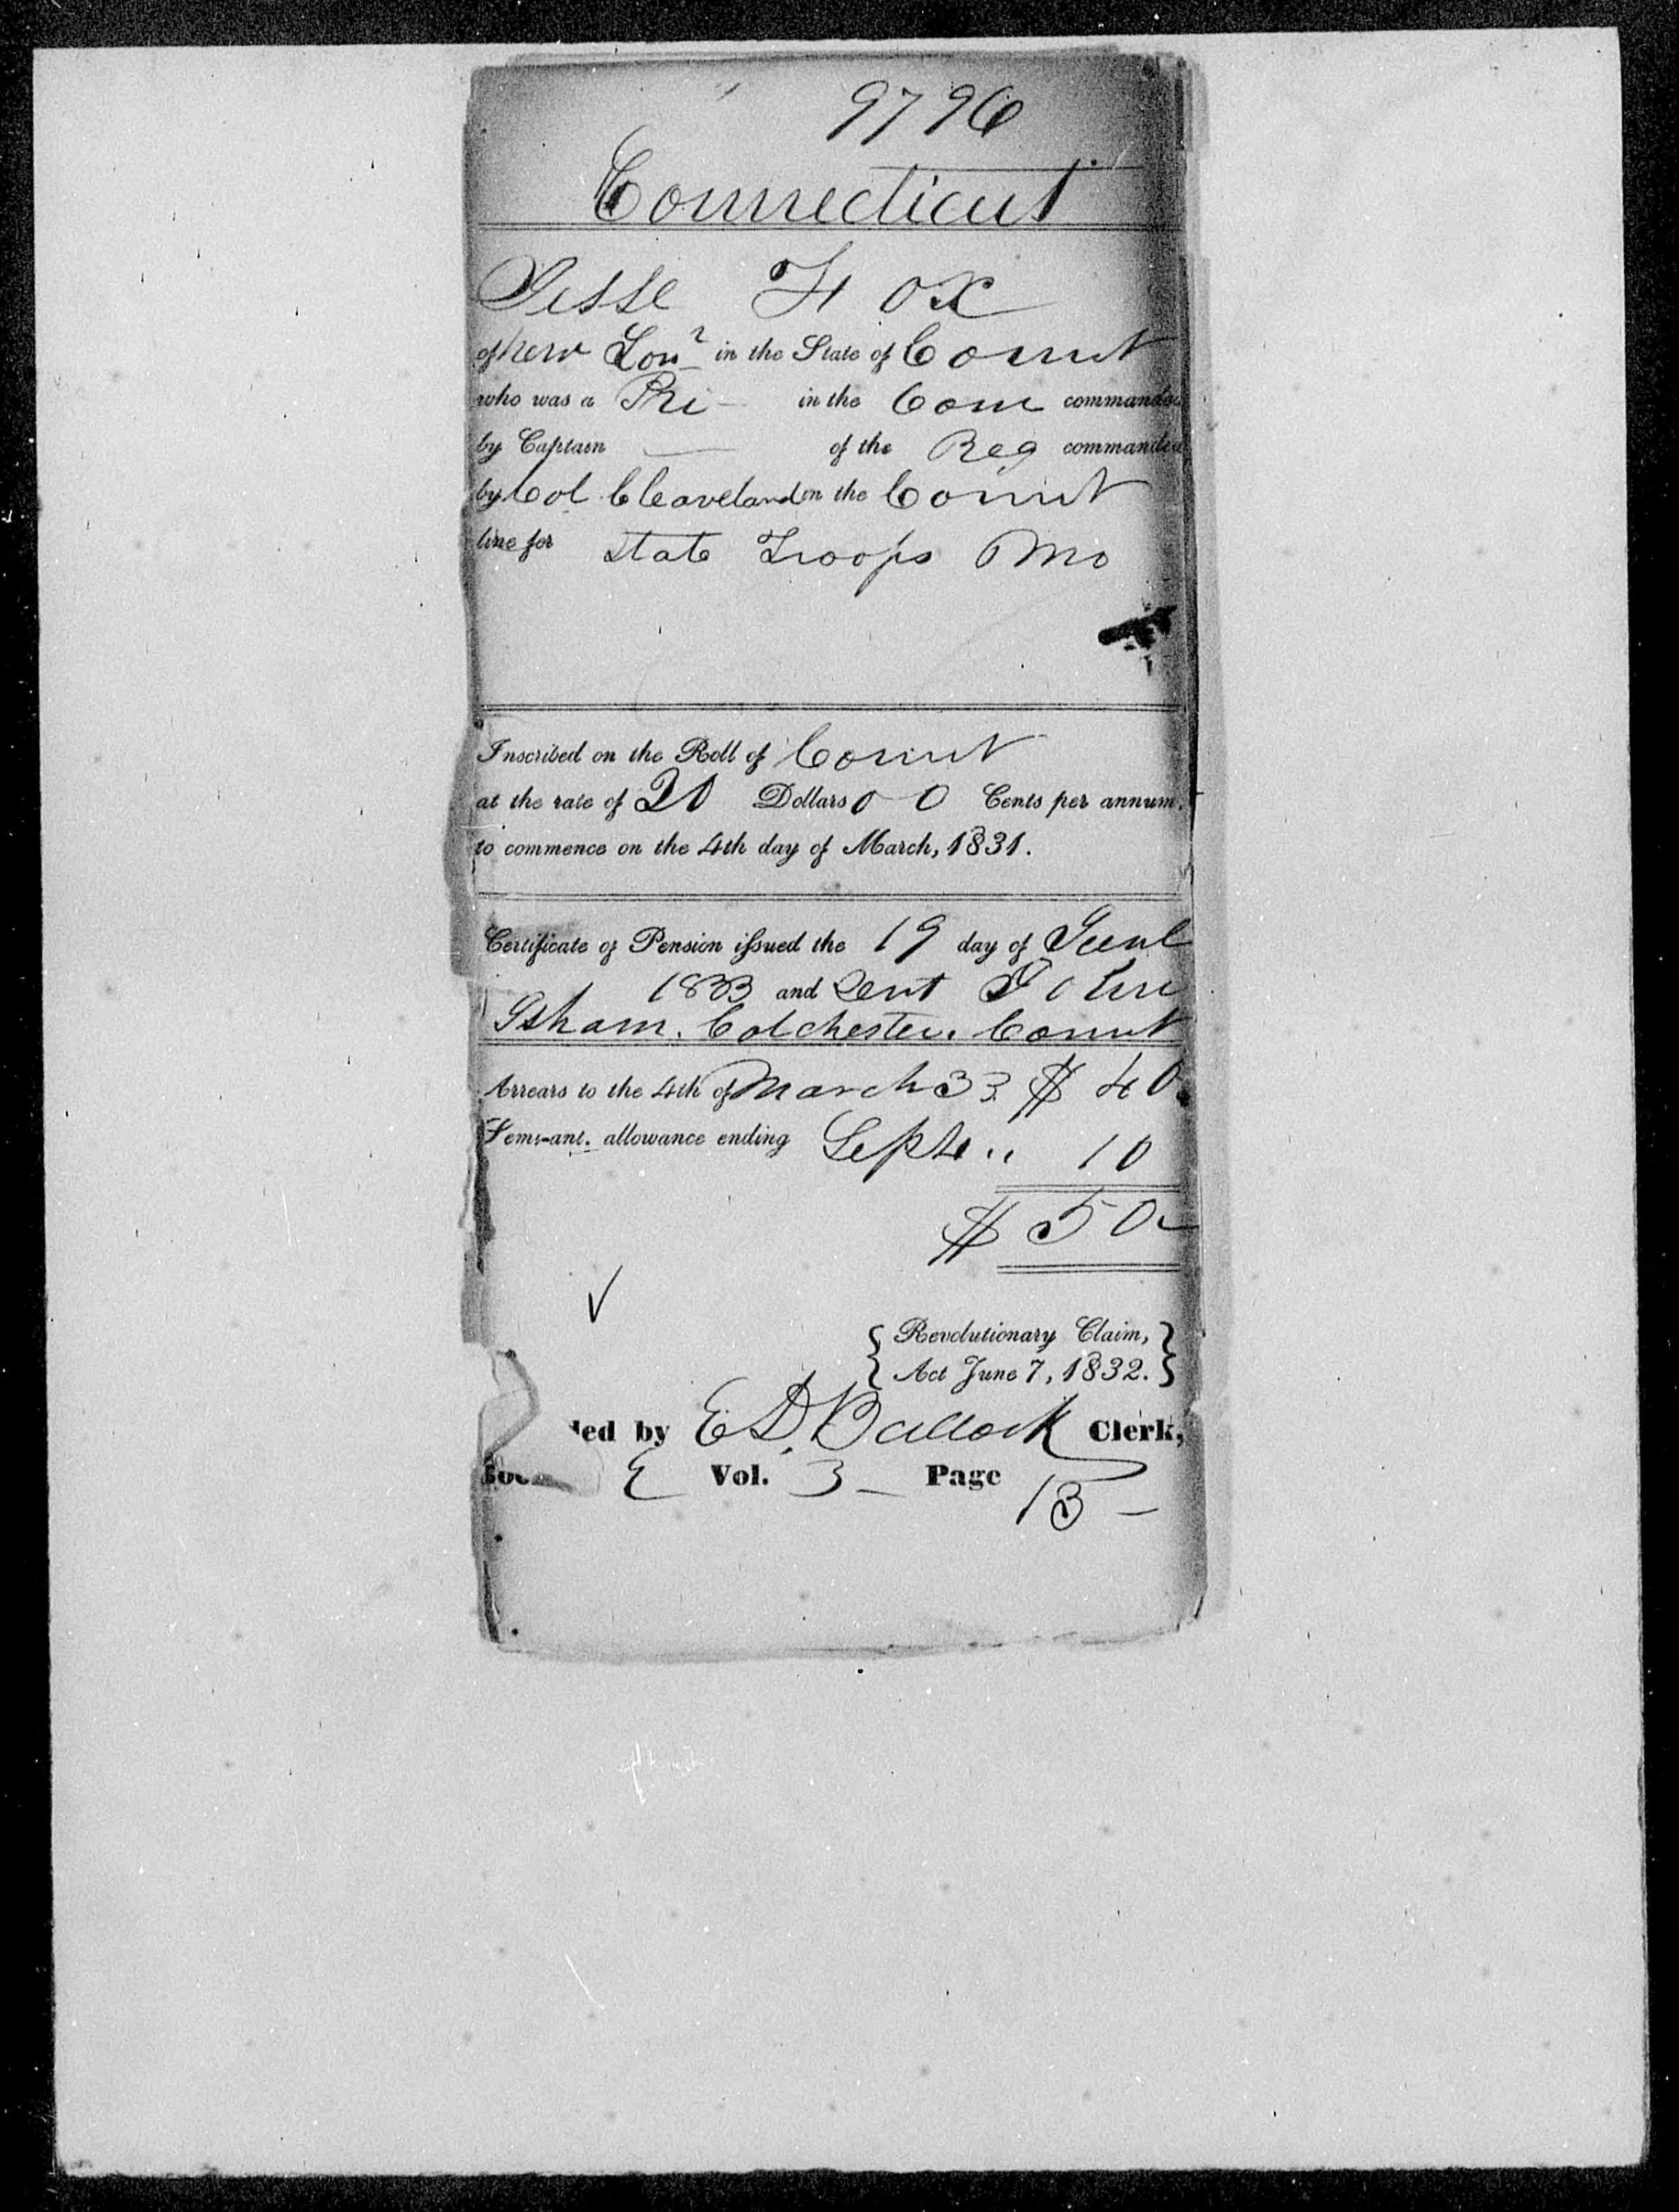9796
Connecticut

Jess Fox
of New London in the State of Connecticut who was a Pri in the Com commanded by Captain of the Reg commanded by Col. Cleaveland on the Connt line for State Troops [illegible]

Inscribed on the Roll of Connt at the rate of 20 Dollars 00 Cents per annum,
to commence on the 4th day of March, 1831.

Certificate of Pension issued the 19 day of June 1833 and sent John Isham, Colchester, Connt.

Arrears to the 4th of March 33       $40[illegible]
Semi-anl.  allowance ending Sept.   10
                                                        $50


{Revolutionary Claim,}
{Act June 7, 1832.      }

[illegible]ed by E.D. Bullock Clerk,
[illegible] E  Vol. 3  Page 13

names: E D Bullock, Cleaveland, Jesse Fox, John Isham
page: 2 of 53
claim: rejected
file: R. 3732, Jesse Fox, Conn.